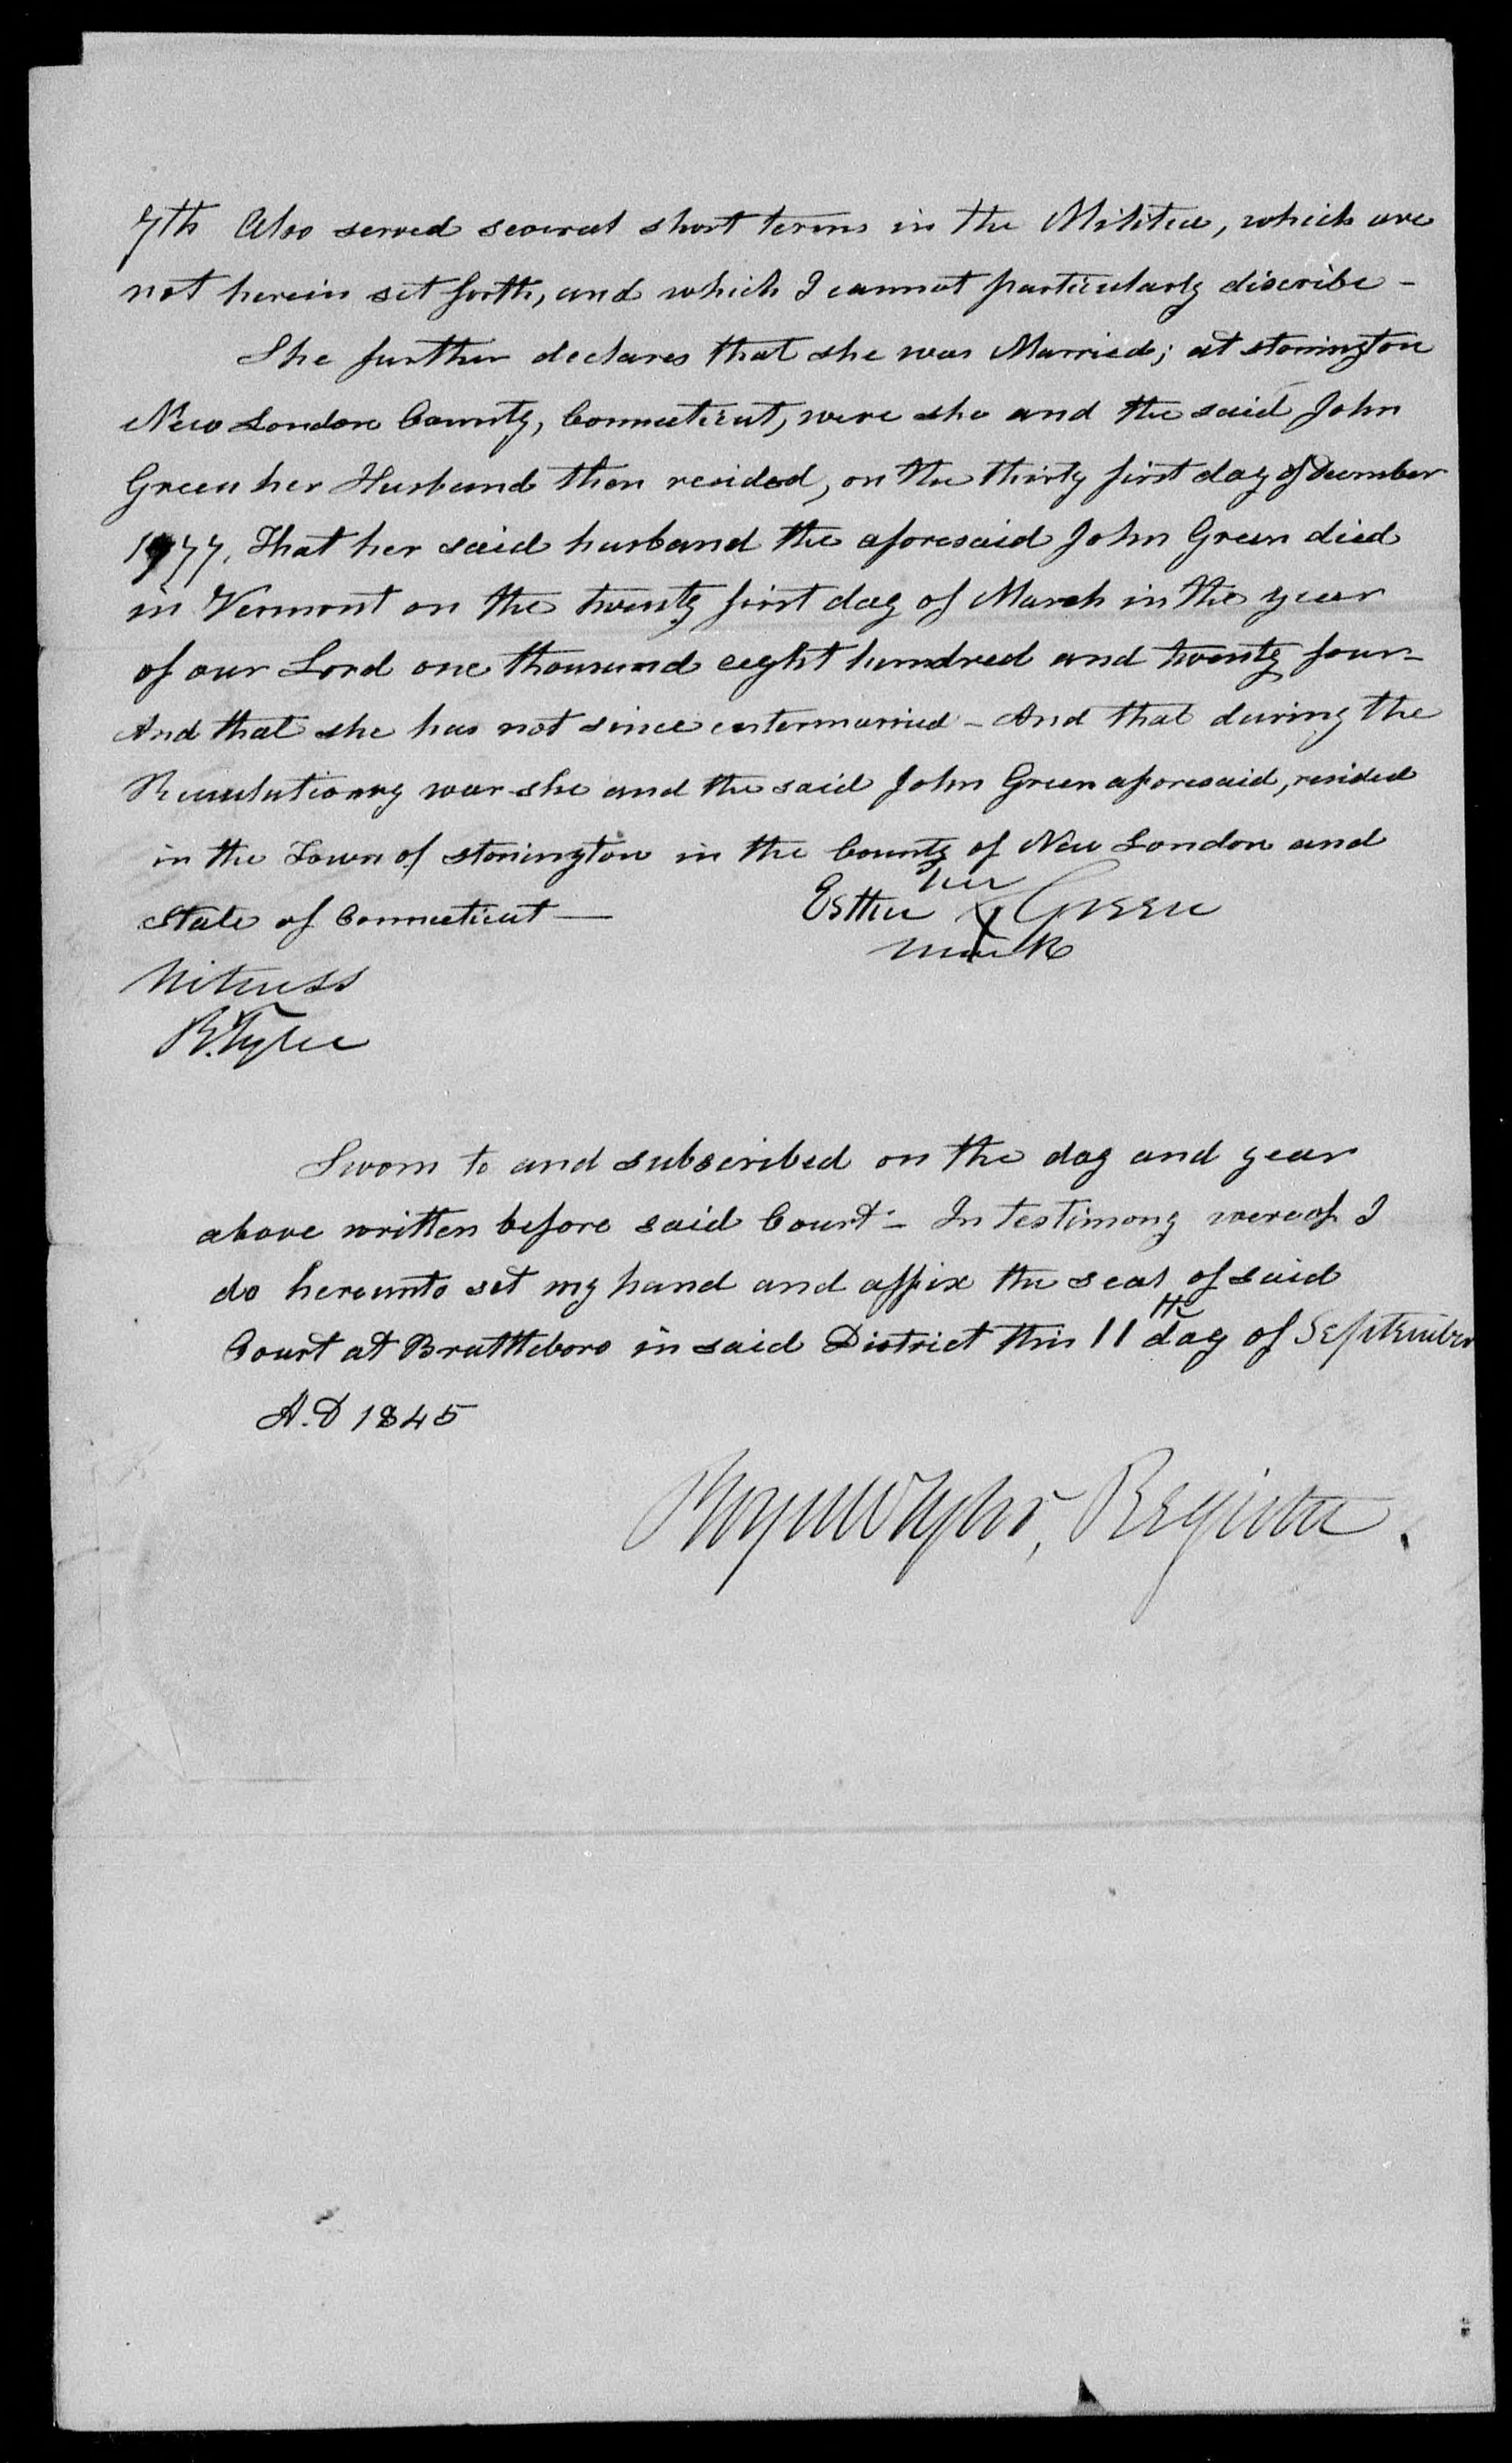7th Also served several short terms in the Militia, which one not herein set forth, and which I cannot particularly describe - She further declares that she was Married; at Stonington New London County, Connecticut, were she and the said John Green her Husband then resided on the thirty first day of December 1755, that her said husband the aforesaid John Green died in Vermont on the twenty first day of March in the year of our Lord one thousand eight hundred and twenty four - And that she has not since [entermarried?] - And that during the Revolutionary war she and the said John Green aforesaid, resided in the town of Stonington in the County of New London and State of Connecticut - Esther Green [signature] [not legible signature]

Sworn to and subscribed on the day and year above written before said Court - In testimony  [wereof?] I do hereunto set my hand and affix the seal of said Court at Brattleboro in said District this 11th day of September A.D 1845
[not legible signature]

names: Boyan Tyler, B Tyler, John Green, John Green, Esther Green, John Green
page: 4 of 40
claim: rejected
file: R. 4251, John Green, Conn.